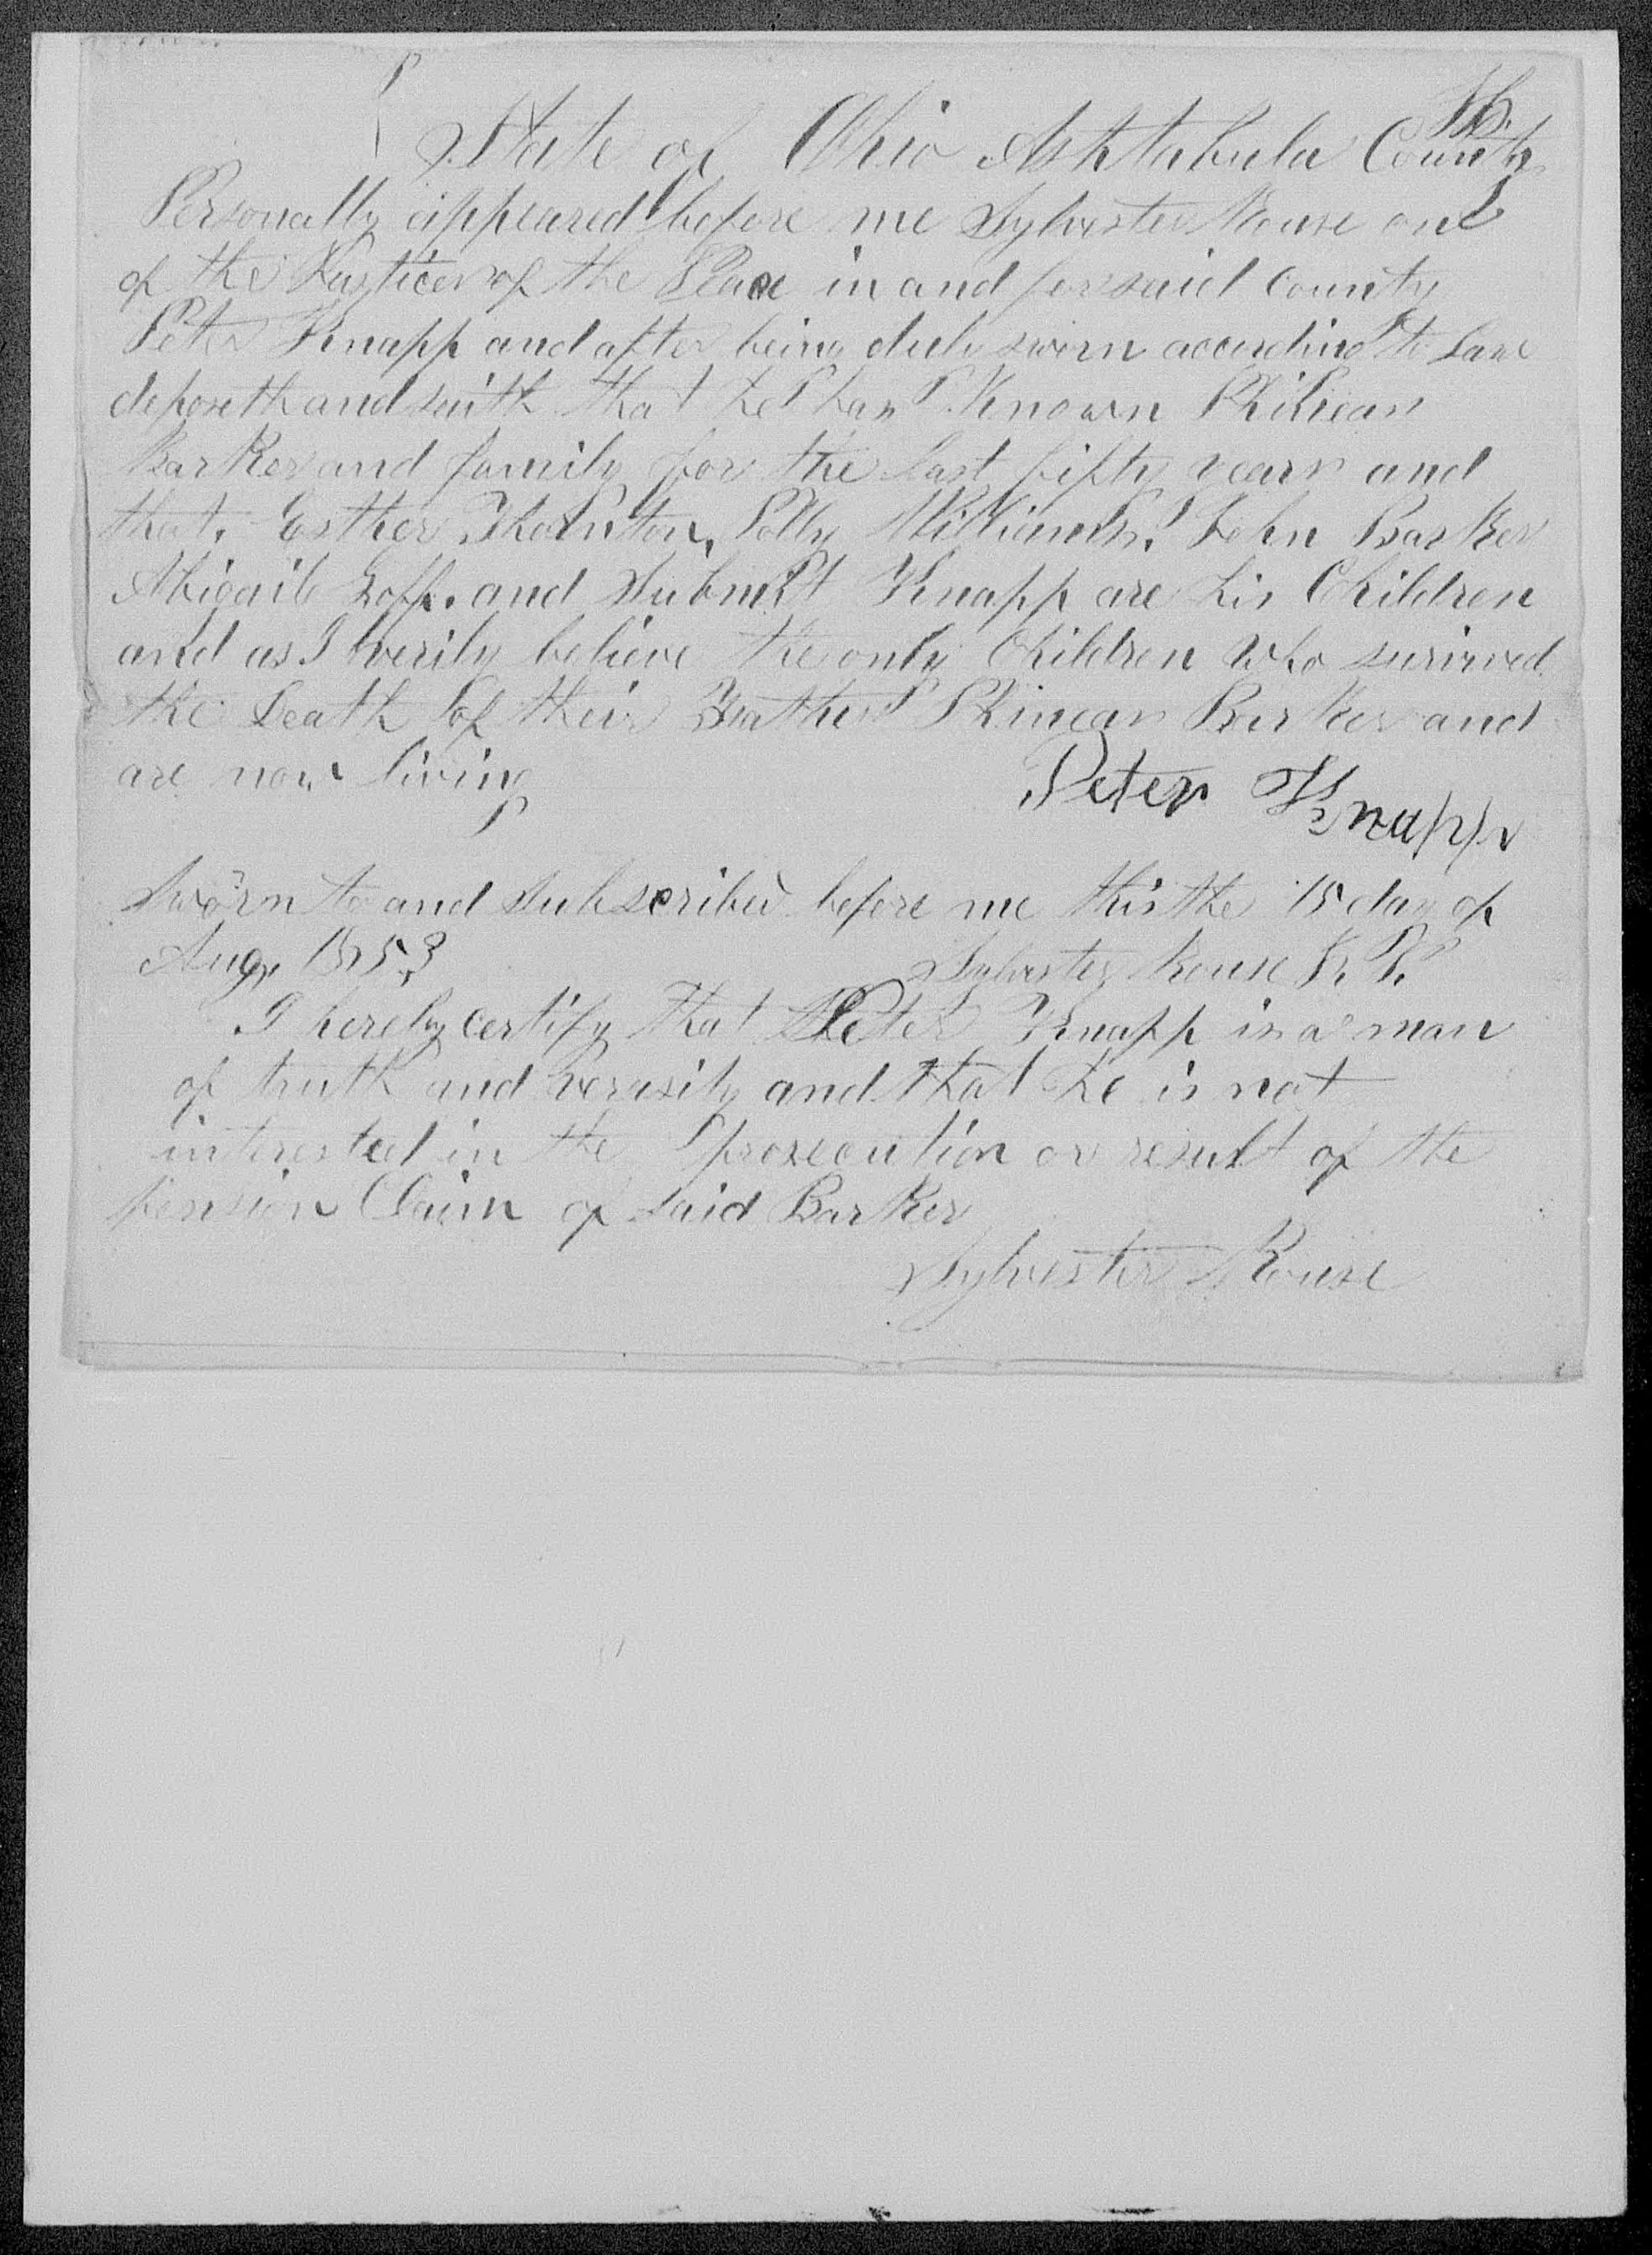State of Ohio Ashtabula County SS 
Personally appeared before me Sylvester Rouse one of the Justices of the Peace in and for said County Peter Knapp and after being duly sworn according to Lane deposeth and saith that he has known Phineas Barker and family for the last fifty years and that Esther Thornton, Polly Williams, John Barker, Abigail Goff and Submit Knapp are his children and as I verily believe the only children who survived the death of their Father Phineas Barker and are now living.  
Peter Knapp 
Sworn to and subscribed before me this the 15 day of Aug. 1853 
Sylvester Rouse J.P. 
I hereby certify that Peter Knapp is a man of truth and veracity and that he is not interested in the prosecution or result of the pension claim of said Barker.  
Sylvester Rouse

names: Peter Knapp, Phineas Barker, Phineas Barker, Abigail Goff, Sylvester Rouse, John Barker, Esther Thornton, Peter Knapp, Submit Knapp, Peter Knapp, Sylvester Rouse, Barker, Polly Williams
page: 29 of 35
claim: rejected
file: R. 501, Phineas Barker, Conn. Privateer